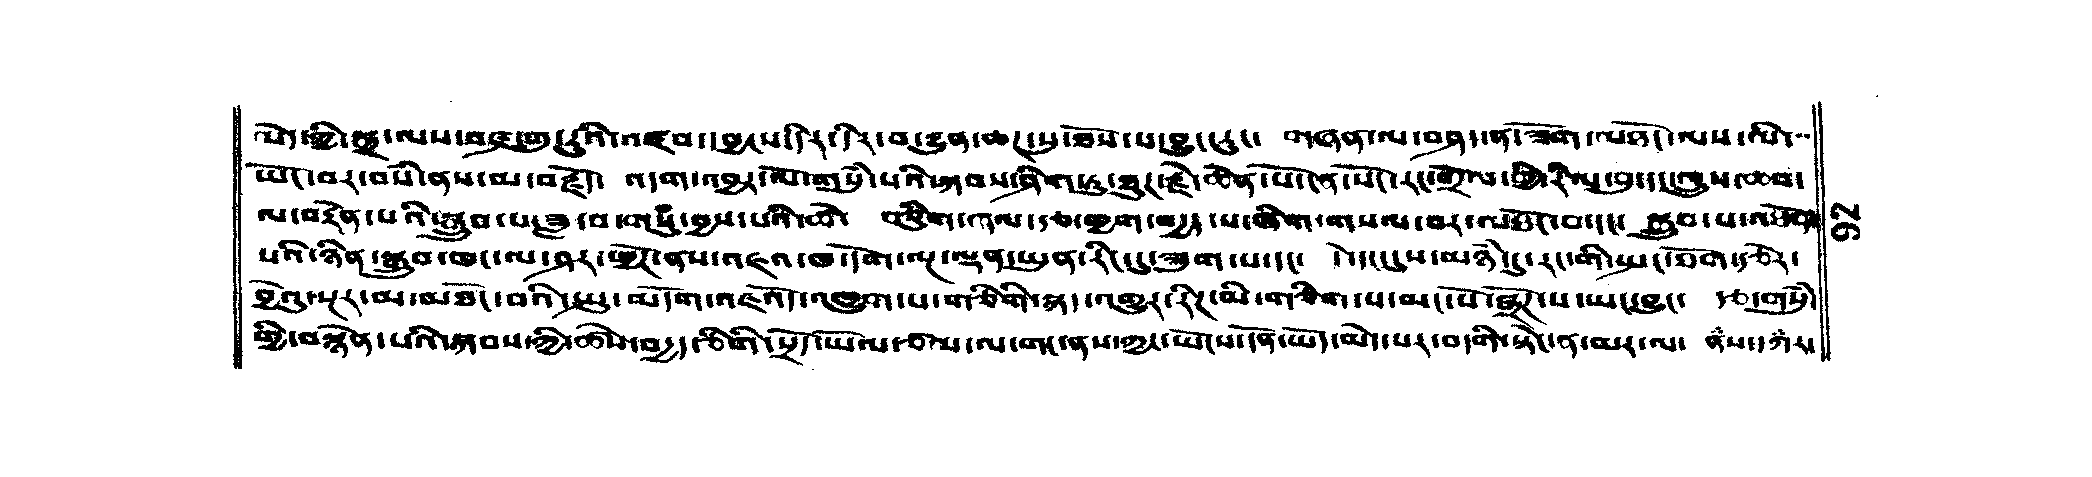མེད་ཀྱི་སྒྲ་ལས་བཛྲ་གུ་རུའི་འཛབ་དབྱངས་དིར་དིར་བ་རྒྱུན་ཆགས་སུ་ཐོས་པ་བྱུང་རུང་། གཞན་ལ་བཤད་ན་ཟོག་མཐོང་ལས་མི་
ཡོང་བར་བསམ་ནས་མ་བརྗོད། འདག་འབྱར་ལོ་གསུམ་པའི་སྐབས་ཤིག་ཏུ་ཐུགས་རྗེ་ཆེན་པོ་ངན་སོང་རང་གྲོལ་གྱི་རིལ་བུ་དང་ཁྲུས་ཆབ་
ལ་བརྟེན་པའི་སྒྲུབ་པ་ཟླ་བ་གསུམ་བྱས་པའི་ཚེ། བཅུ་གཅིག་ཞལ་རྩ་ཕྱག་བརྒྱད་པ་ཞིག་གསལ་བར་མཐོང་བ་དང་། སྒྲུབ་པ་འཐོན་
པའི་ཉིན་སྒྲུབ་ཁང་ལ་ཤར་ཕྱོགས་ནས་འཇའ་ཁ་དོག་ལྔ་ལྡན་ཡུན་རིང་དུ་ཟུག་པ་དང་། དེ་དང་དུས་མཉམ་དུ་རང་གི་སྤང་ཐོག་རྩེར་
བྱེའུ་སྔར་མ་མཐོང་བའི་སྤུ་མདོག་འཇའ་འོད་འཁྱུག་པ་གཅིག་གི་སྐད་འགྱུར་རིགས་མི་གཅིག་པ་མང་པོ་སྒྲོག་པ་ཡང་བྱུང་། རྩ་གསུམ་
གྱི་བསྙེན་པའི་སྐབས་ཀྱི་ཚེས་བརྒྱད་ཀྱི་སྲོད་ཡོལ་ཙམ་ལ་གང་ནས་ཡོངས་དོན་མེད་པར་བདག་གི་སྟེང་ནས་མར་ལ།